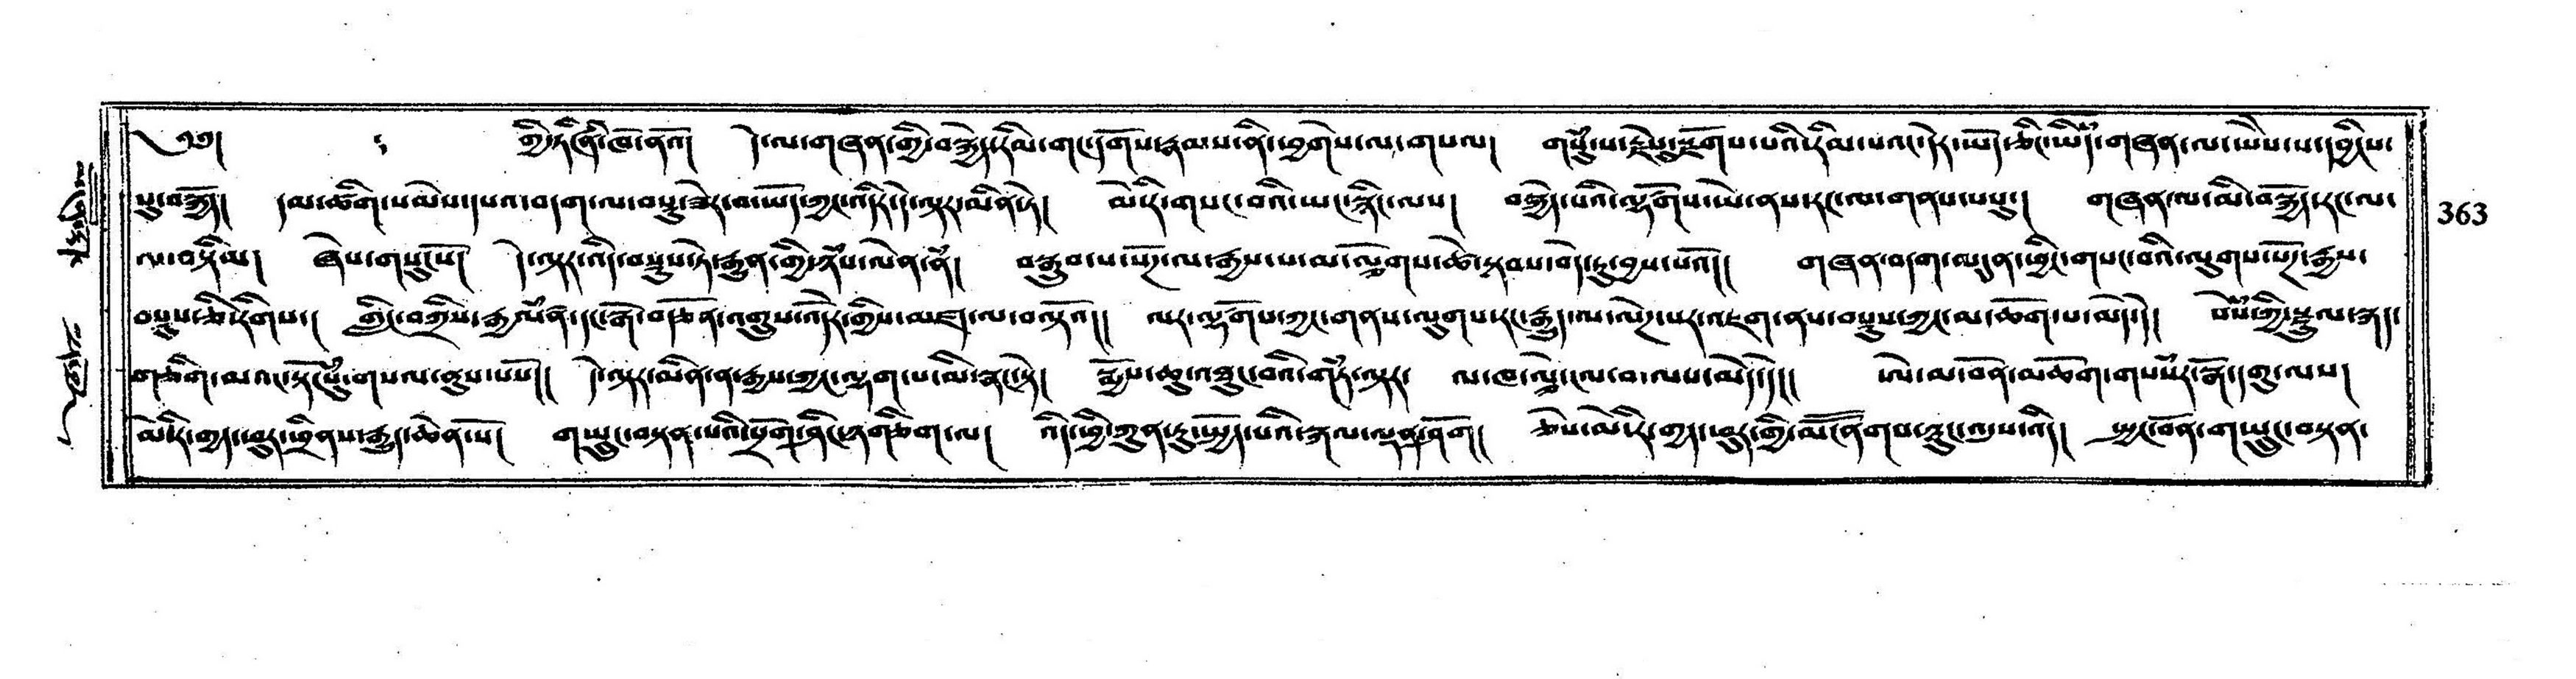གྱི་ཏིང་འཛིན་ཁོ་ནའོ། དེ་ལ་གཞན་གྱི་བསྐྱེད་རིམ་གང་དགོས་རྣམས་ནི་ཕྱག་བཞེས་ལ་གསལ། གསུམ་པ་རྗེས་སུ་རྫོགས་པའི་རིམ་པའང་དེར་ཡོད་ཅིང་ཡི་དམ་གཞན་ལ་ཡེ་ཤེས་པ་དབྱིངས་
སུ་བསྐྱོད། དམ་ཚིག་སེམས་དཔའ་བདག་ལ་བསྡུ་ཟེར་བ་ཡོད་ཀྱང་འདིར་དེ་ལྟར་མིན་ཏེ། མེ་རི་གསང་བའི་ཡང་སྙིང་ལས། བསྐྱེད་པའི་ལྷ་ཚོགས་ཡེ་ནས་རང་ལ་གནས་པས་སུ། གཞན་ལ་མི་བསྐྱོད་རང་ལ་
ལ་བསྟིམ། ཞེས་གསུངས་སོ། དེ་ལྟར་འདི་བསྡུས་ཏེ་རྒྱུན་གྱི་ཉམས་ལེན་ནམ། བསྒྲུབ་པ་སོགས་ལ་རྒྱས་པ་མ་ལྕོགས་ཚེ་སྟབས་བདེ་རུ་བྱས་པའོ།། གཞན་བདག་མདུན་ཕྱི་ནང་གསང་བའི་ལུགས་སོགས་རྒྱས་
བསྡུས་ཅི་རིགས། གླིང་བཀྲ་ཤིས་རྒྱལ་མཚན་དང་སྒོ་བརྩོན་འགྲུས་འོད་ཟེར་གྱིས་མཛད་པ་ལ་བལྟའོ། མར་ལྷ་ཚོགས་ཀྱང་གནས་ལུགས་རང་རྒྱུད་ལ་ལེགས་པར་འཇག་ནས་བསྡུས་ཀྱང་མ་ཆོག་པ་མེད་དོ། སེམས་ཀྱི་རྫུ་འཕྲུལ་སྐད་
གཅིག་ལའང་སྟོང་གསུམ་གསལ་ནུས་པས་སོ། {375} དེ་ལྟར་མིན་ན་རྒྱས་ཀྱང་ལྷག་པ་མི་སྣང་སྟེ། སྨྱོས་ཆུ་འཐུང་བའི་གཏམ་ལྟར་ལ་ཁ་ལྕེ་ངལ་བ་ལས་མེད་དེ། ཨེ་མ་བོན་མཆོག་གསས་མཁར་སྒོ་དགུ་ལས། 
མེ་རི་གྱད་ཕུར་ཕྲིན་ལས་རྒྱུད་ཆེན་པོ། གཡུང་དྲུང་བསྟན་པའི་སྲོག་ཤིང་ཉག་གཅིག་ལ། འདི་ཕྱི་ཀུན་ཏུ་སྤྱོད་པའི་སྐལ་ལྡན་ཤོག ཅེས་མེ་རི་གྱད་ཕུར་གྱི་མངོན་རྟོགས་ཉུང་འདུས་འདི། སྤྱང་བོན་གཡུང་དྲུང་བསྟན་